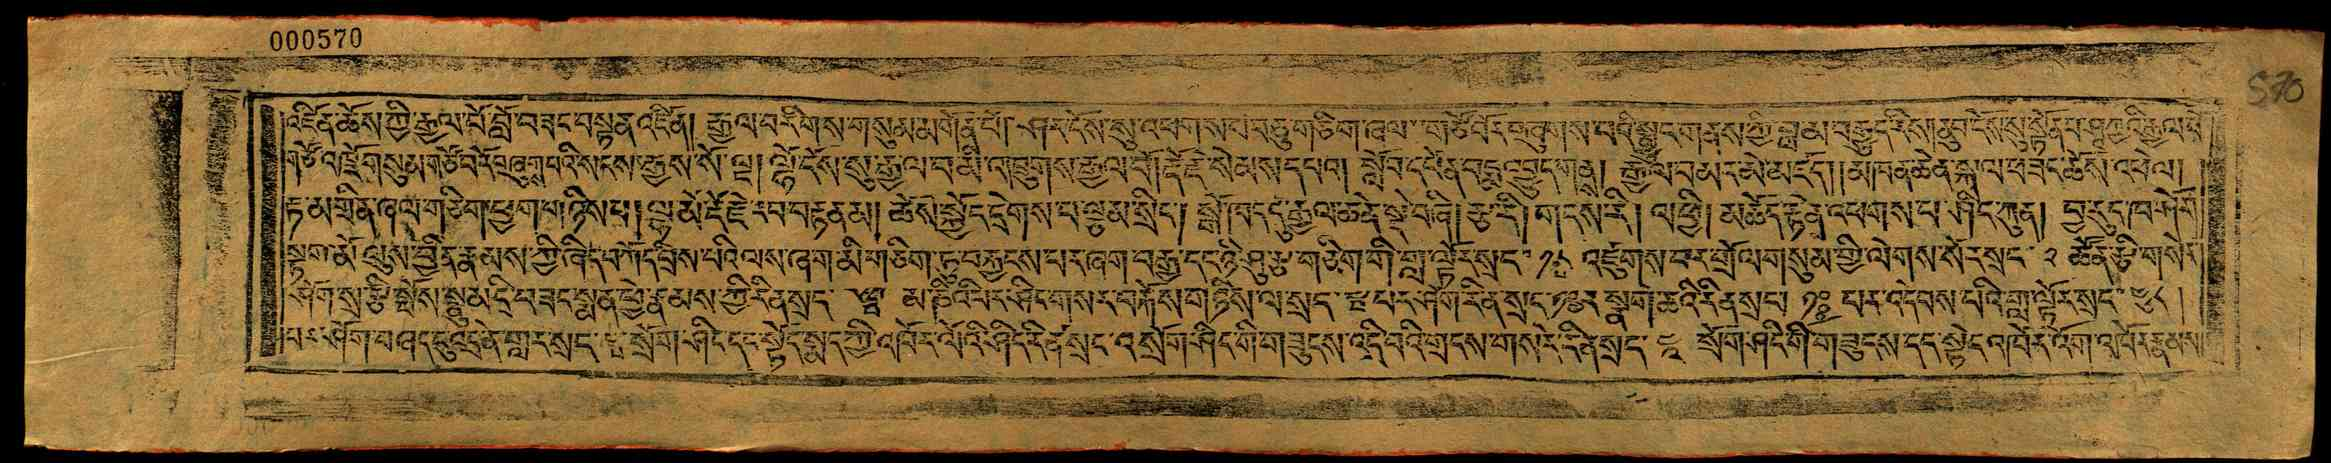འཛིན་ཆོས་ཀྱི་རྒྱལ་པོ་བློ་བཟང་བསྟན་འཛིན། རྒྱལ་བ་རིགས་གསུམ་མགོན་པོ། ཤར་ངོས་སུ་འཕགས་པ་བཅུ་གཅིག་ཞལ་གཙོ་བོར་བཞུགས་པའི་སྨྱུང་གནས་ཀྱི་བླ་མ་བརྒྱུད་རིས། ནུབ་ངོས་སུ་སྟོན་པ་ཤཱཀྱའི་རྒྱལ་པོ་
གཙོ་འཁོར་གསུམ་གཙོ་བོར་བཞུགས་པའི་སངས་རྒྱས་སོ་ལྔ། ལྷོ་ངོས་སུ་རྒྱལ་བ་མི་འཁྲུགས་རྒྱལ་པོ། རྡོ་རྗེ་སེམས་དཔའ། སློབ་དཔོན་པདམ་འབྱུང་གནས། རྒྱལ་བ་མར་མེ་མཛད། །མཁན་ཆེན་སྐལ་བཟང་ཆོས་འཕེལ།
རྟམ་གྲིན་ཞལ་གཅིག་ཕྱག་གཉིས་པ། ལྷ་མོ་རྡོ་རྗེ་རབ་བརྟན་མ། ཆོས་སྐྱོང་དྲེགས་པ་ལྕམ་སྲིང་། སྒོ་ཁང་དུ་རྒྱལ་ཆེན་སྡེ་བཞི། རྩ་རི། གངས་རི། ལ་ཕྱི། མཆོད་རྟེན་འཕགས་པ་ཤིང་ཀུན། བྱ་རུང་ཁ་ཤོར།
སྟག་མོ་ལུས་བྱིན་རྣམས་ཀྱི་ཞིང་བཀོད་བྲིས་པའི་ལས་ཞག་མི་གཅིག་ཏུ་བརྐྱངས་པར་ཞག་བརྒྱ་དང་ཉི་ཤུ་རྩ་གཅིག་གི་གླ་ལྟོར་སྲང ༡༨༡༥་འཛུགས་བར་གྲོལ་གསུམ་གྱི་ལེགས་སོར་སྲང ༢༦༣་ཚོན་རྩི་གསེར་
ཤོག་སྲ་རྩི་སྤོས་སྣུམ་དྲི་བཟང་སྨན་ཕྱེ་རྣམས་ཀྱི་རིན་སྲང ༦༧༥་མ་ཎིའི་པར་ཤིང་གསར་བརྐོས་གཉིས་ལ་སྲང ༤༥་པར་ཤོག་རིན་སྲང ༡༡༣༧་སྣག་ཚའི་རིན་སྲང ༡༡༣༨་པར་འདེབས་པའི་གླ་ལྟོར་སྲང ༤༦༨།
པར་ཤོག་བཞད་དུ་འདྲེན་གླར་སྲང ༤༠༥་སྲོག་ཤིང་དང་སྟོད་སྨད་ཀྱི་འཁོར་ལོའི་ཤིང་རིན་སྲང ༢་སྲོག་ཤིང་གི་གཟུངས་འདྲི་བའི་གྲངས་གསེར་རིན་སྲང ༤༢་སྲོག་ཤིང་གི་གཟུངས་དང་སྟེང་འཁོར་འོག་འཁོར་རྣམས་